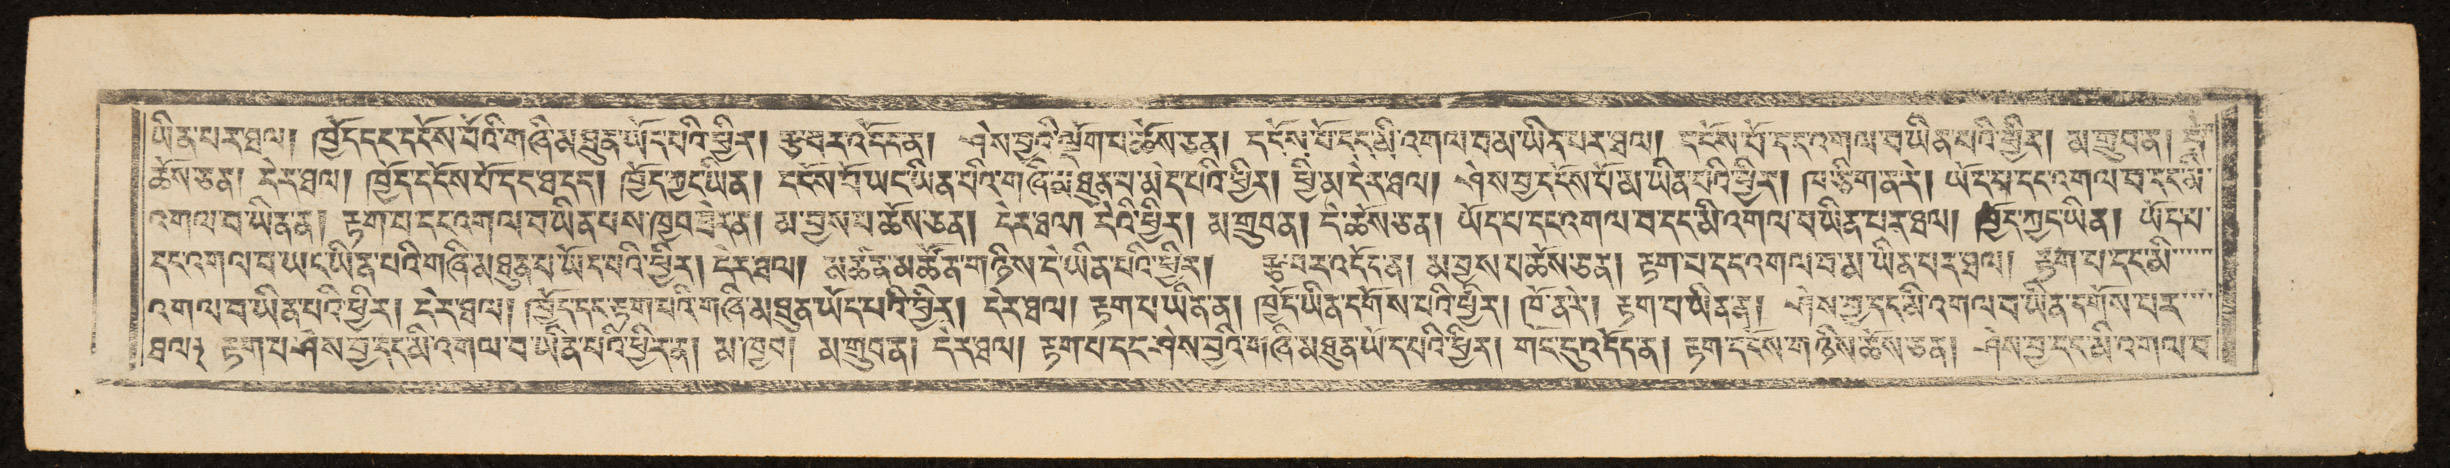ཡིན་པར་ཐལ། ཁྱོད་དང་དངོས་པོའི་གཞི་མཐུན་ཡོད་པའི་ཕྱིར། རྩ་བར་འདོད་ན། ཤེས་བྱའི་ལྡོག་པ་ཆོས་ཅན། དངོས་པོ་དང་མི་འགལ་བ་མ་ཡིན་པར་ཐལ། དངོས་པོ་དང་འགལ་བ་ཡིན་པའི་ཕྱིར། མ་གྲུབ་ན། དེ་
ཆོས་ཅན། དེར་ཐལ། ཁྱོད་དངོས་པོ་དང་ཐ་དད། ཁྱོད་ཀྱང་ཡིན། དངོས་པོ་ཡང་ཡིན་པའི་གཞི་མཐུན་པ་མེད་པའི་ཕྱིར། ཕྱི་མ་དེར་ཐལ། ཤེས་བྱ་དངོས་པོ་མ་ཡིན་པའི་ཕྱིར། ཁ་ཅིག་ན་རེ། ཡོད་པ་དང་འགལ་བ་དང་མི་
འགལ་བ་ཡིན་ན། རྟག་པ་དང་འགལ་བ་ཡིན་པས་ཁྱབ་ཟེར་ན། མ་བྱས་པ་ཆོས་ཅན། དེར་ཐལ། དེའི་ཕྱིར། མ་གྲུབ་ན། དེ་ཆོས་ཅན། ཡོད་པ་དང་འགལ་བ་དང་མི་འགལ་བ་ཡིན་པར་ཐལ། ཁྱོད་ཀྱང་ཡིན། ཡོད་པ་
དང་འགལ་བ་ཡང་ཡིན་པའི་གཞི་མཐུན་པ་ཡོད་པའི་ཕྱིར། དེར་ཐལ། མཚན་མཚོན་གཉིས་དེ་ཡིན་པའི་ཕྱིར། རྩ་བར་འདོད་ན། མ་བྱས་པ་ཆོས་ཅན། རྟག་པ་དང་འགལ་བ་མ་ཡིན་པར་ཐལ། རྟག་པ་དང་མི་
འགལ་བ་ཡིན་པའི་ཕྱིར། དེར་ཐལ། ཁྱོད་དང་རྟག་པའི་གཞི་མཐུན་ཡོད་པའི་ཕྱིར། དེར་ཐལ། རྟག་པ་ཡིན་ན། ཁྱོད་ཡིན་དགོས་པའི་ཕྱིར། ཁོ་ན་རེ། རྟག་པ་ཡིན་ན། ཤེས་བྱ་དང་མི་འགལ་བ་ཡིན་དགོས་པར་
ཐལ། རྟག་པ་ཤེས་བྱ་དང་མི་འགལ་བ་ཡིན་པའི་ཕྱིར་ན། མ་ཁྱབ། མ་གྲུབ་ན། དེར་ཐལ། རྟག་པ་དང་ཤེས་བྱའི་གཞི་མཐུན་ཡོད་པའི་ཕྱིར། གོང་དུ་འདོད་ན། རྟག་དངོས་གཉིས་ཆོས་ཅན། ཤེས་བྱ་དང་མི་འགལ་བ་